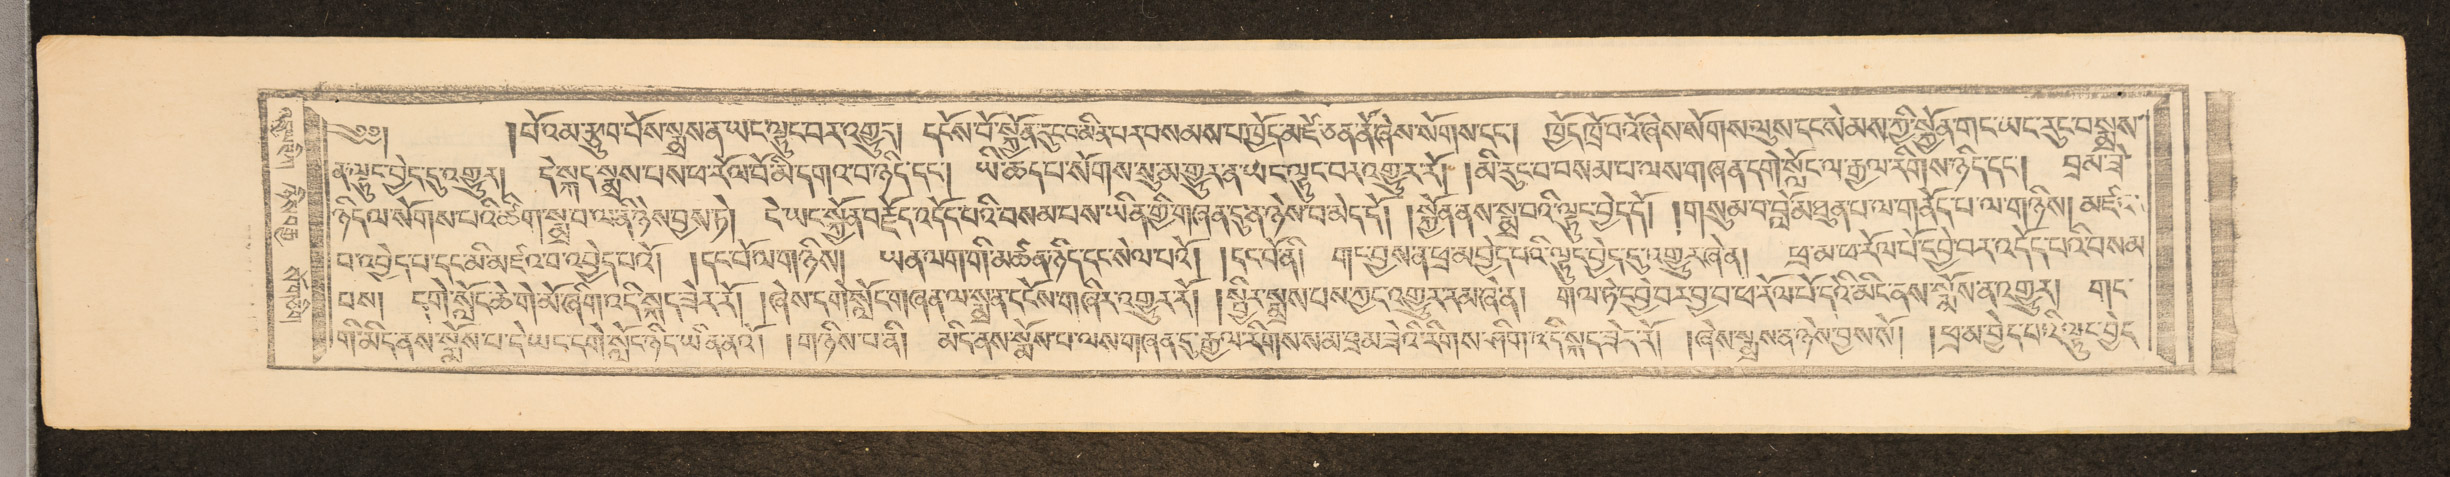༄༅། །པོའམ་རྩུབ་པོས་སྨྲས་ན་ཡང་ལྟུང་བར་འགྱུར། དངོས་པོ་སྐྱོན་རུང་བ་མིན་པར་བསམས་པ་ཁྱོད་མཛེ་ཅན་ནོ་ཞེས་སོགས་དང་། ཁྱོད་ཁྲོ་བའོ་ཞེས་སོགས་ལུས་དང་སེམས་ཀྱི་སྐྱོན་གང་ཡང་རུང་བ་སྨྲས་
ན་ལྟུང་བྱེད་དུ་འགྱུར། དེ་སྐད་སྨྲས་པས་ཕ་རོལ་པོ་མི་དགའ་བ་ཉིད་དང་། ཡི་ཆད་པ་སོགས་སུ་མ་གྱུར་ན་ཡང་ལྟུང་བར་འགྱུར་རོ། །མི་རུང་བ་བསམ་པ་ལས་གཞན་དགེ་སློང་ལ་རྒྱལ་རིགས་ཉིད་དང་། བྲམ་ཟེ་
ཉིད་ལ་སོགས་པའི་ཚིག་སྨྲ་བ་ལ་ནི་ཉེས་བྱས་ཏེ། དེ་ཡང་སྐྱོན་བརྗོད་འདོད་པའི་བསམ་པས་ཡིན་གྱི་གཞན་དུ་ན་ཉེས་པ་མེད་དོ། །སྐྱོན་ནས་སྨྲ་བའི་ལྟུང་བྱེད་དོ། །གསུམ་པ་བློ་མཐུན་པ་ལ་གནོད་པ་ལ་གཉིས། མཛའ་
བ་འབྱེད་པ་དང་མི་མཛའ་བ་འབྱེད་པའོ། །དང་པོ་ལ་གཉིས། ཡན་ལག་གི་མཚན་ཉིད་དང་སེལ་པའོ། །དང་པོ་ནི། གང་བྱས་ན་ཕྲ་མ་བྱེད་པའི་ལྟུང་བྱེད་དུ་འགྱུར་ཞེ་ན། ཕྲ་མ་ཕ་རོལ་པོ་དབྱེ་བར་འདོད་པའི་བསམ་
པས། དགེ་སློང་ཆེ་གེ་མོ་ཞིག་འདི་སྐད་ཟེར་རོ། །ཞེས་དགེ་སློང་གཞན་ལ་སྨྲ་ན་དངོས་གཞིར་འགྱུར་རོ། །སྤྱིར་སྨྲས་པས་ཀྱང་འགྱུར་རམ་ཞེ་ན། གལ་ཏེ་དབྱེ་བར་བྱ་བ་ཕ་རོལ་པོ་དེའི་མིང་ནས་སྨོས་ན་འགྱུར། གང་
གི་མིང་ནས་སྨོས་པ་དེ་ཡང་དགེ་སློང་ཉིད་ཡིན་ནའོ། །གཉིས་པ་ནི། མིད་ནས་སྨོས་པ་ལས་གཞན་དུ་རྒྱལ་རིགས་སམ་བྲམ་ཟེའི་རིགས་ཤིག་འདི་སྐད་ཟེར་རོ། །ཞེས་སྨྲས་ན་ཉེས་བྱས་སོ། །ཕྲ་མ་བྱེད་པའི་ལྟུད་བྱེད་